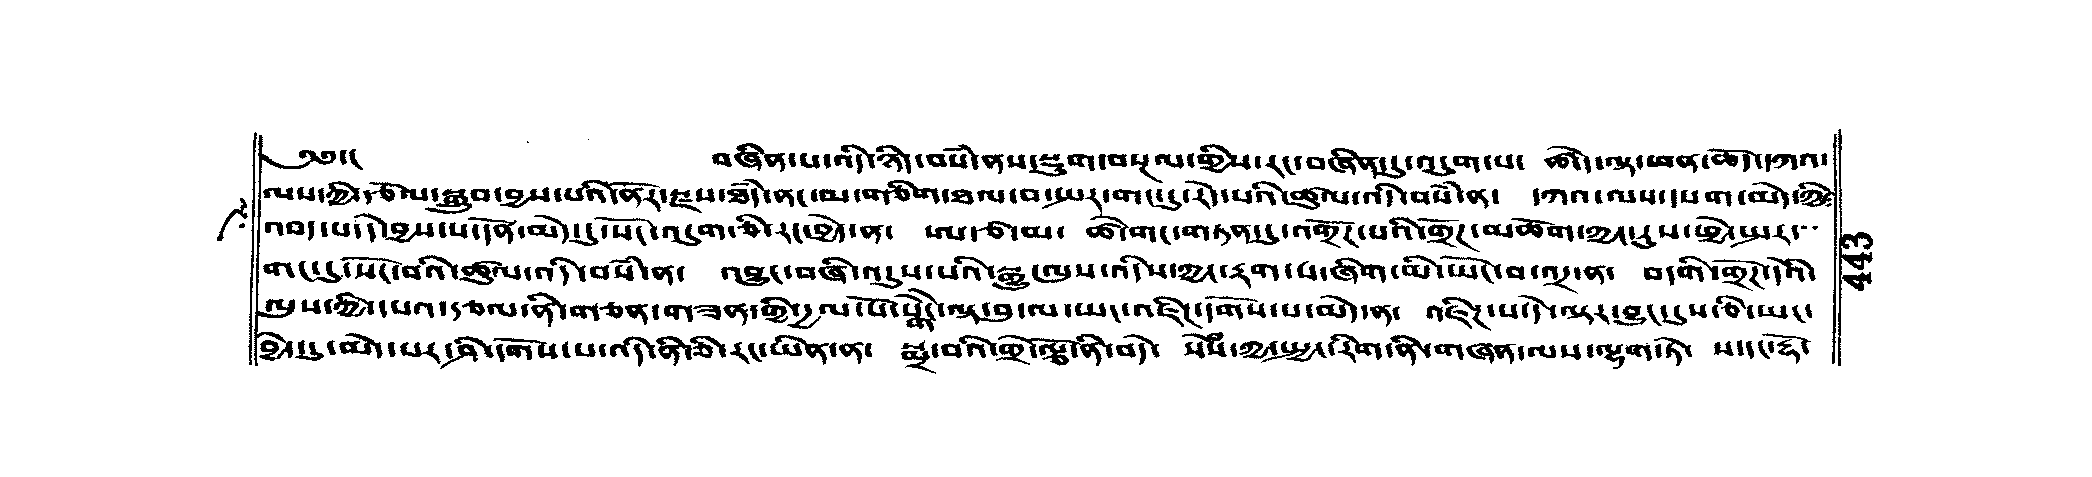བཞིན་པ་འདི་ཉིད་བསམ་ནས་སྡུག་བསྔལ་གྱིས་རང་བཞིན་དུ་འདུག་པ། ཚེ་ད་ལྟ་ཕན་ཆོད་དཀའ་
ལས་ཀྱི་རྩོལ་སྒྲུབ་བྱས་པའི་ནོར་རྫས་ཐམས་ཅད་ནང་མ་གཅིག་ཐལ་བ་སྤར་གང་དུ་རེད་པའི་ཚུལ་འདི་བསམ་ན།དཀའ་ལས་དཔག་མེད་ཀྱི་
འབད་པ་དེ་བྱས་པ་དོན་མེད་དུ་སོང་འདུག་ཅི་རང་བྱེད་ན། ཨ་ཙ་མ། ཚེ་གང་གཏན་དུ་འགྲོགས་པའི་གྲོགས་མཆོག་ཀྱང་རུས་ཕྱེ་སྤར་
གང་དུ་སོང་བའི་ཚུལ་འདི་བསམ་ན། འབྱུང་བཞི་འདུས་པའི་སྒྱུ་ལུས་འདིས་ཀྱང་རྟག་པ་ཞིག་མི་ཡོང་བ་འདྲ་ན། བདག་གི་གྲོགས་དེའི་
ལུས་ཀྱི་དཔའ་རྩལ་ནི་གཅན་གཟན་གྱི་རྒྱལ་པོ་སེངྒེ་ལྟ་བུ་ལ་ཡང་འཇིགས་དགོས་པ་མེད་ན། འཇིགས་པ་དེ་ལྟར་བྱུང་དུས་ཅི་ཡང་
བྱེད་དུ་མེད་པར་ཤི་དགོས་པ་འདི་ནི་ཅི་རང་ཡིན་ན། སྨྲ་བའི་གྲེ་ལྕེ་ནི་བདེ། སེམས་ཀྱི་སྤྱང་རིག་ནི་གཞན་ལས་ལྷག་ཏེ། ས་དང་རྡོ་